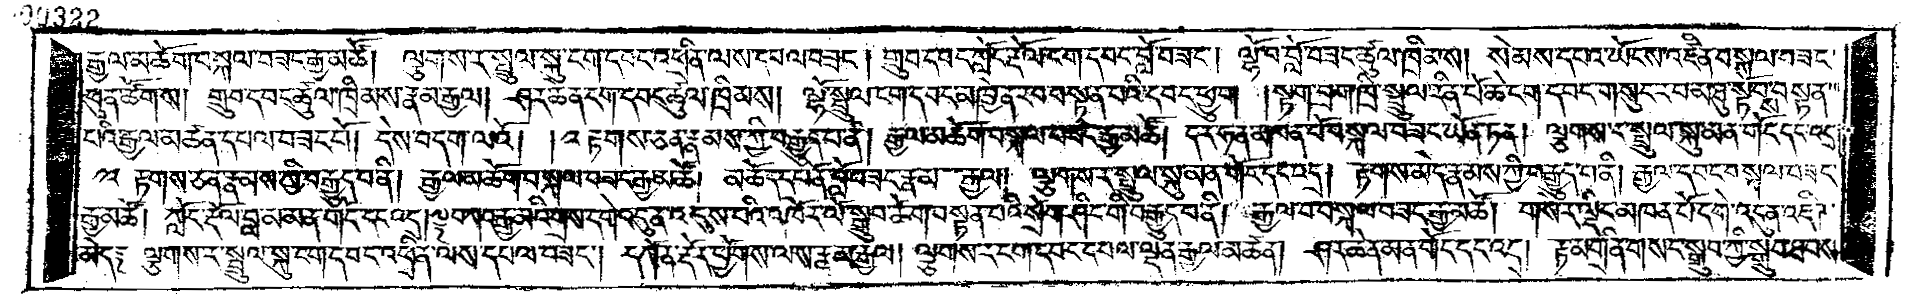རྒྱལ་མཆོག་བསྐལ་བཟང་རྒྱ་མཚོ། ལྕགས་ར་སྤྲུལ་སྐུ་ངག་དབང་འཕྲིན་ལས་དཔལ་བཟང་། གྲུབ་དབང་ཀློང་རྡོལ་ངག་དབང་བློ་བཟང་། ལྷོ་བ་བློ་བཟང་ཚུལ་ཁྲིམས། སེམས་དཔའ་ཡོངས་འཛིན་བསྐལ་བཟང་
ཕུན་ཚོགས། གྲུབ་དབང་ཚུལ་ཁྲིམས་རྣམ་རྒྱལ། ཤར་ཆེན་ངག་དབང་ཚུལ་ཁྲིམས། ལྷོ་སྤྲུལ་ངག་དབང་མཁྱེན་རབ་བསྟན་པའི་དབང་ཕྱུག །སྟག་བྲག་ཁྲི་སྤྲུལ་རིན་པོ་ཆེ་ངག་དབང་གསུང་རབ་མཐུ་སྟོབས་བསྟན་
པའི་རྒྱལ་མཚན་དཔལ་བཟང་པོ། དེས་བདག་ལའོ། །༢་རྟགས་ཅན་རྣམས་ཀྱི་བརྒྱུད་པ་ནི། རྒྱལ་མཆོག་བསྐལ་བཟང་རྒྱ་མཚོ། དར་ཧན་མཁན་པོ་བསྐལ་བཟང་ཡོན་ཏན། ལྕགས་ར་སྤྲུལ་སྐུ་མན་གོང་དང་འདྲ།
༣་རྟགས་ཅན་རྣམས་ཀྱི་བརྒྱུད་པ་ནི། རྒྱལ་མཆོག་བསྐལ་བཟང་རྒྱ་མཚོ། མཆོད་དཔོན་བློ་བཟང་རྣམ་རྒྱལ། ལྕགས་ར་སྤྲུལ་སྐུ་མན་གོང་དང་འདྲ། རྟགས་མེད་རྣམས་ཀྱི་བརྒྱུད་པ་ནི། རྒྱལ་དབང་བསྐལ་བཟང་
རྒྱ་མཚོ། ཀློང་རྡོལ་བླ་མ་མན་གོང་དང་འདྲ། ༈ བཀའ་རྒྱ་མའི་གྲས་དགེ་འདུན་འདུས་པའི་འཁོར་ལོ་སྒྲུབ་ཆོག་བསྟན་པའི་སྲོག་ཤིང་གི་བརྒྱུད་པ་ནི། རྒྱལ་བ་བསྐལ་བཟང་རྒྱ་མཚོ། གསེར་ལྡིང་མཁན་པོ་དགེ་འདུན་འཇིཌ་
མེད༑ ལྕགས་ར་སྤྲུལ་སྐུ་ངག་དབང་འཕྲིན་ལས་དཔལ་བཟང་། དཀོན་རྡོར་ཕྱོགས་ལས་རྣམ་རྒྱལ། ལྕགས་ར་ངག་དབང་དཔལ་ལྡན་རྒྱལ་མཚན། ཤར་ཆེན་མན་གོང་དང་འདྲ། རྟ་མགྲིན་གསང་སྒྲུབ་ཀྱི་སྒྲུབ་ཐབས་